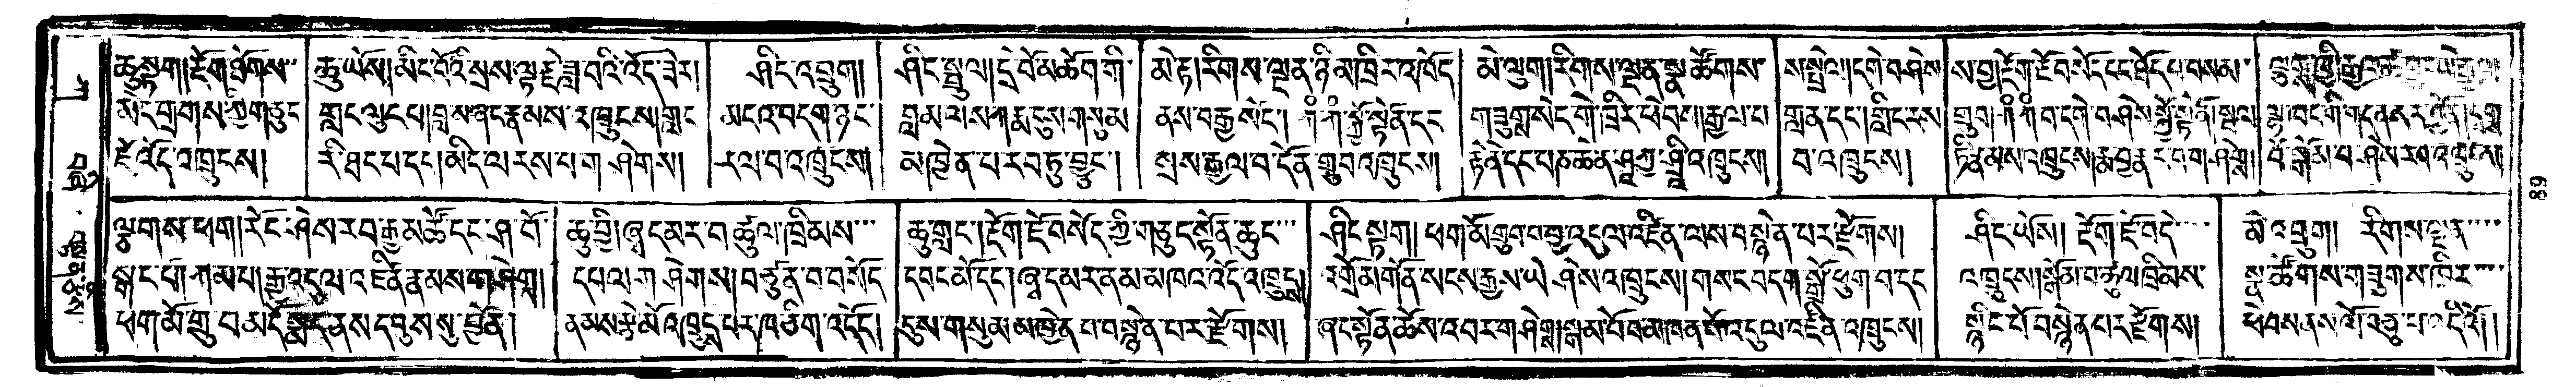ཆུ་སྟག །རྡོག་ཐོགས་ཆུ་ཡོས། མིང་བོའི་སྲས་ལྟ་རྗེ་ཟླ་བའི་འོད་ཟེར། ཤིང་འབྲུག །ཤིང་སྦྲུལ། དྲེ་བོ་མཆོག་གི་མེ་རྟ། རིགས་ལྡན་ཉི་འཁིར་འཁོད་མེ་ལུག། རིགས་ལྡན་སྣ་ཚོགས། ས་སྤྲེལ། དགེ་བཤེས་ས་བྱ། རྔོག་རྔོ་བསོད་དང་ཐོད་པ་བསམ་ལྕགས་ཁྱི་རྒྱལ་ཚ་བྲང་ཡེ་རྒྱལ་
མེད་གྲགས་ཀྱི་གཅུང་གླང་ལུང་པ། བླ་མ་ནང་རྣམས་འཁྲུངས། གླང་མངའ་བདག་ཉང་བླ་མ་ལས་ཀརྨ་དུས་གསུམ་ནས་བརྒྱ་སོང་། ཀཾ་ཀཾ་སྐྱོ་སྟོན་དང་གཟུགས་སེང་གེ་ཁྲི་ཕེབས། །རྒྱལ་པ་གླན་དང་། གླིང་རས། གྲུ། ཀཾ་ཀཾ་བ་དགེ་བཤེས་སྐྱོ་སྟོན། སྤལ་ལྷ་ཁང་གི་གདན་སར་བྱོན། དགས?
ཇོ་འོད་འཁྲུངས། རི་ཐང་པ་དང་། མིད་ལ་རས་པ་གཤེགས། རལ་བ་འཁྲུངས། མཁྱེན་པ་རབ་ཏུ་བྱུང་། སྲས་རྒྱལ་བ་དོན་གྲུབ་འཁྲུངས། རྟེན་དང་པཎ་ཆེན་ཤཱཀྱ་ཤྲཱི་འཁྲུངས། བ་འཁྲུངས། ཏི་རྣམས་འཁྲུངས། རྨ་བྱ་རྣར་བ་གཤེགས། བོ་སྒོམ་པ་ཤེས་རབ་འཁྲུངས།
ལྕགས་ཕག །རོང་ཤེས་རབ་རྒྱ་མཚོ་དང་ཤ་བོ་ཆུ་བྱི། ཞྭ་དམར་བ་ཚུལ་ཁྲིམས་ཆུ་གླང་། རྡོག་ཇོ་བསོད་ཀྱི་གཅུང་སྟོན་ཅུང་ཤིང་སྟག །ཕག་མོ་གྲུབ་བགྱ་འདུལ་འཛིན་ལས་བསྙེན་པར་རྫོགས། ཤིང་ཡོས། རྡོག་ཇོ་བདེ་མེ་འབྲུག །རིགས་ལྡན་
སྒང་པོ། ཀམ་པ། རྒྱ་འདུལ་འཛིན་རྣམས་གཤེགས། དཔལ་གཤེགས། བཙུན་བ་བསོད། དབང་མོ་དང་། ཞྭ་དམར་ནམ་མཁའ་འོད་འཁྲུངས། འགྲོ་མགོན་སངས་རྒྱས་ཡེ་ཤེས་འཁྲུངས། གསང་བདག་སྒྲོ་ཕུག་པ་དང་འཁྲུངས་སྒོམ་བ་ཚུལ་ཁྲིམས་སྣ་ཚོགས་གཟུགས་ཁྱིར་
ཕག་མོ་གྲུབ་མདོ་སྨད་ནས་དབུས་སུ་བྱོན། ནམས་རྩེ་མོ་འཁྲུངས་པར་ཁ་ཅིག་འདོད། དུས་གསུམ་མཁྱེན་པ་བསྙེན་པར་རྫོགས། ཞང་སྟོན་ཆོས་འབར་གཤེགས། སྒམ་པོ་བ་མཁན་པོ་འདུལ་འཛིན་འཁྲུངས། སྙིང་པོ་བསྙེན་པར་རྫོགས། ཕེབས་ནས་ལོ་བཅུ་པ་འདིའོ། །